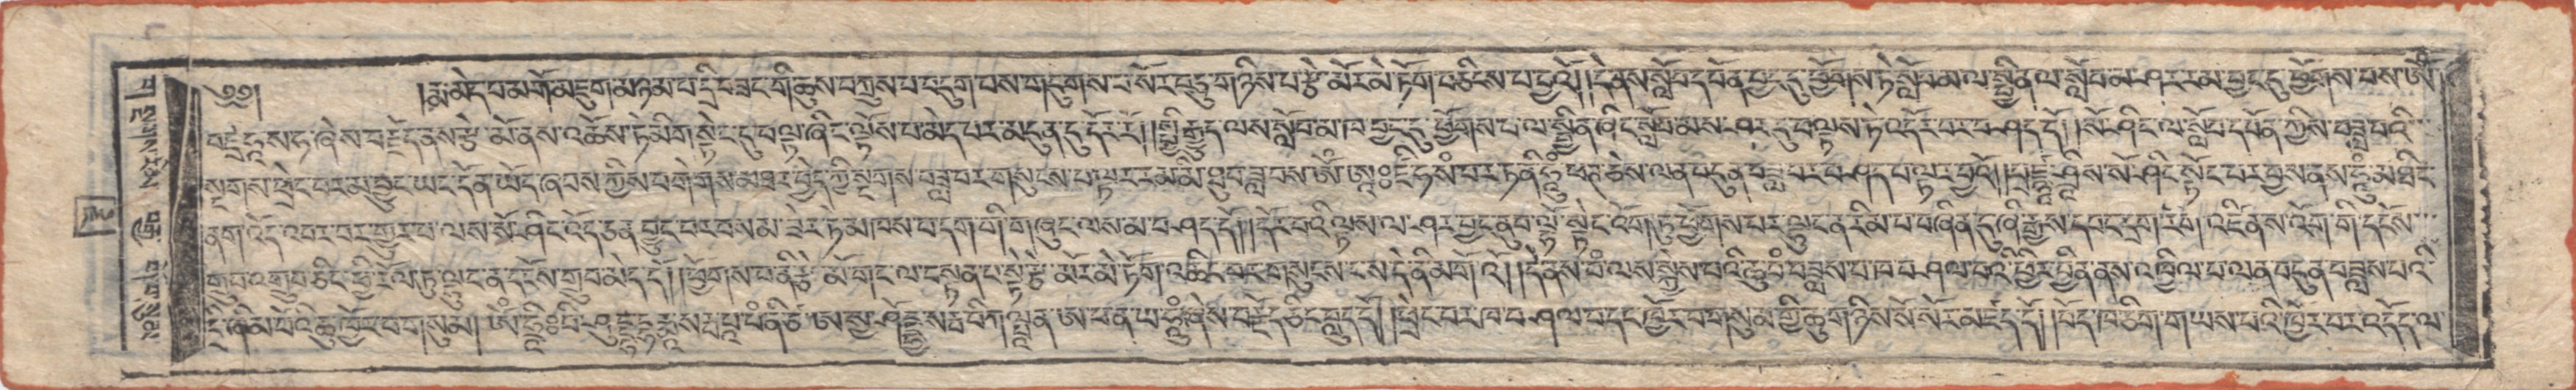༄༅། །རྨ་མེད་པ་མགོ་མཇུག་མཉམ་པ་དྲི་བཟང་གི་ཆུས་བཀྲུས་པ་བདུག་པས་གདུགས་པ་སོར་བཅུ་གཉིས་པ་རྩེ་མོར་མེ་ཏོག་བཅིངས་པ་བྱའོ། །དེ་ནས་སློབ་དཔོན་བྱང་དུ་ཕྱོགས་ཏེ་སློབ་མ་ལ་སྦྱིན་ལ་སློབ་མ་ཤར་རམ་བྱང་དུ་ཕྱོགས་པས་ཨོཾ་
བཛྲ་ཧཱ་ས་ཧ་ཞེས་བརྗོད་ནས་རྩེ་མོ་ནས་འཆོས་ཏེ་མིག་སྟེང་དུ་བལྟ་ཞིང་ལྟོས་པ་མེད་པར་མདུན་དུ་དོར་རོ། །སྤྱི་རྒྱུད་ལས་སློབ་མ་ཁ་བྱང་དུ་ཕྱོགས་པ་ལ་སྦྱིན་ཞིང་སློབ་མས་ཤར་དུ་བལྟས་ཏེ་འདོར་བར་བཤད་དོ། །སོ་ཤིང་ལ་སློབ་དཔོན་གྱིས་བཟླ་བའི་
སྔགས་ཕྲེང་བར་མ་བྱུང་ཡང་དོན་ཡོད་ཞབས་ཀྱིས་བགེགས་མཐར་བྱེད་ཀྱི་སྔགས་བཟླ་བར་གསུངས་པ་ལྟར་རམ་མི་ཐུབ་ཟླ་བས་ཨོཾ་ཨཱཿ ཛི་ཧ་སཾ་བ་ར་ཏ་ནི་ཧཱུཾ་ཕཊ་ཅེས་ལན་བདུན་བཟླ་བར་བཤད་པ་ལྟར་བྱའོ། །པྲཛྙཱ་ཤྲཱིས་སོ་ཤིང་སྟོང་པར་བྱས་ནས་ཧཱུཾ་མཐིང་
ནག་འོད་འབར་བར་གྱུར་པ་ལས་སོ་ཤིང་འོད་ཅན་བྱུང་བར་བསམ་ཟེར་ཏེ་མཁས་པ་དག་གི་གཞུང་ལས་མ་བཤད་དོ། །དོར་བའི་ལྟས་ལ་ཤར་བྱང་ནུབ་ལྷོ་སྟེང་འོག་ཏུ་ཕྱོགས་པར་ལྷུང་ན་རིམ་པ་བཞིན་དུ་ཞི་རྒྱས་དབང་དྲག་རིག་འཛིན་ས་འོག་གི་དངོས་
གྲུབ་འགྲུབ་ཅིང་ཕྱི་རོལ་ཏུ་ལྷུང་ན་དངོས་གྲུབ་མེད་དོ། །ཕྱོགས་པ་ནི་རྩེ་མོ་གང་ལ་བསྟན་པ་སྟེ་རྩེ་མོར་མེ་ཏོག་འཆིང་བར་གསུངས་པས་དེ་ནི་མགོའོ། །དེ་ནས་བཾ་ལས་སྐྱེས་པའི་ཆུ་བཾ་བཟླས་པ་ཁ་བཤལ་བའི་ཕྱིར་བྱིན་ནས་འཁྱིལ་པ་ལན་བདུན་བཟླས་པའི་
དྲི་ཞིམ་པོའི་ཆུ་ཁྱོར་བ་གསུམ། ཨོཾ་ཧྲཱིཿ བི་ཤུདྡྷ་དྷརྨཱ་སརྦ་པཱ་པཾ་ནི་ཙ་ཨ་སྱ་ཤོདྡྷྱ་སརྦ་བིཀ་ལྤཱན་ཨ་པ་ན་ཡ་ཧཱུཾ་ཞེས་བརྗོད་ཅིང་བླུད་དོ། །ཕྲེང་བར་ཁ་བཤལ་བ་དང་ཁྱོར་བ་གསུམ་གྱི་ཆུ་གཉིས་སོ་སོར་མཛད་དོ། །བོད་ཁ་ཅིག་གཡས་པའི་ཁྱོར་བོར་འདོད་ལ་